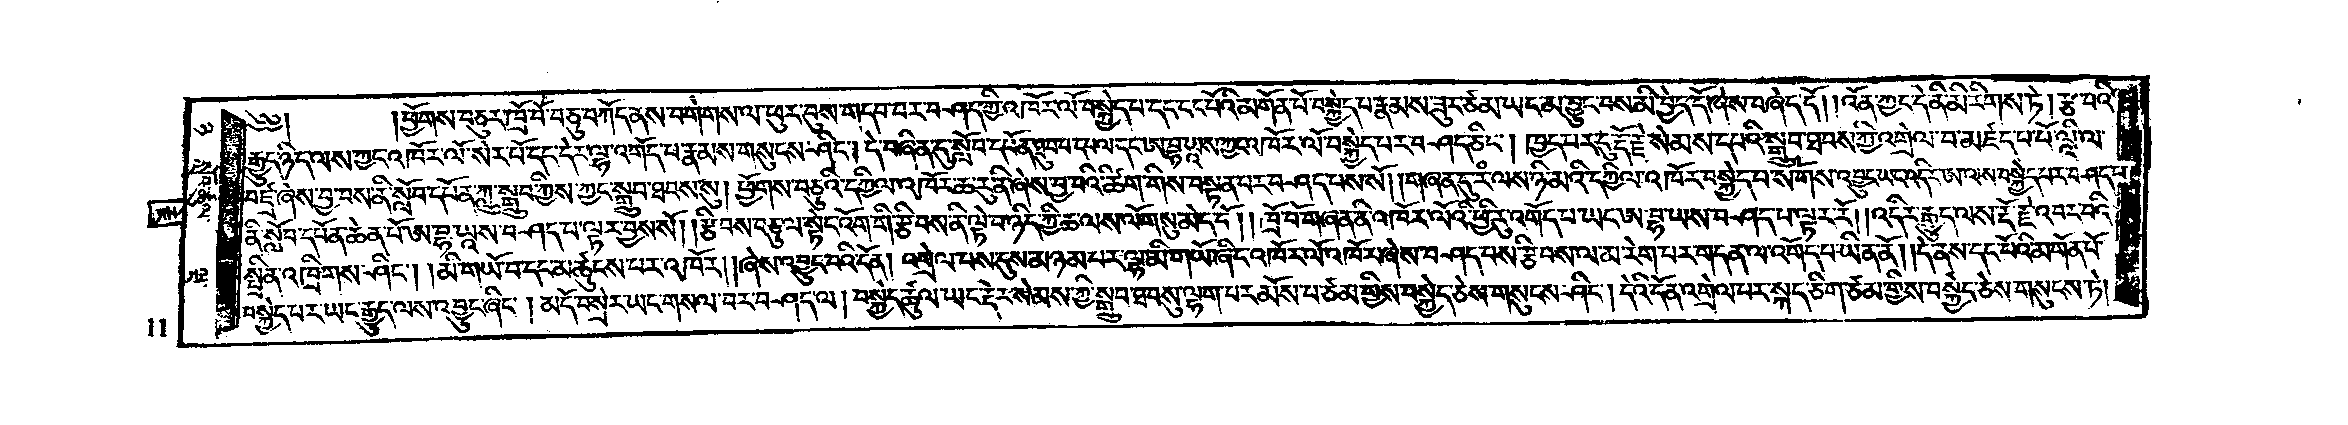༄༅། །ཕྱོགས་བཅུར་ཁྲོ་བོ་བཅུ་བཀོད་ནས་བགེགས་ལ་ཕུར་བུས་གདབ་བར་བཤད་ཀྱི་འཁོར་ལོ་བསྐྱེད་པ་དང་དང་པོའི་མགོན་པོ་བསྐྱེད་པ་རྣམས་ཟུར་ཙམ་ཡང་མ་བྱུང་བས་མི་བྱེད་དོ་ཞེས་བཞེད་དོ། །འོན་ཀྱང་དེ་ནི་མི་རིགས་ཏེ། རྩ་བའི་
རྒྱུད་ཉིད་ལས་ཀྱང་འཁོར་ལོ་སེར་པོ་དང་དེར་ལྷ་འགོད་པ་རྣམས་གསུངས་ཤིང་། དེ་བཞིན་དུ་སློབ་དཔོན་ཐུབ་པ་དཔལ་དང་ཨ་བྷ་ཡཱས་ཀྱང་འཁོར་ལོ་བསྐྱེད་པར་བཤད་ཅིང་། ཁྱད་པར་དུ་རྡོ་རྗེ་སེམས་དཔའི་སྒྲུབ་ཐབས་ཀྱི་འགྲེལ་བ་མཛད་པ་པོ་ལཱི་ལ་
བཛྲ་ཞེས་བྱ་བས་ནི་སློབ་དཔོན་ཀླུ་སྒྲུབ་ཀྱིས་ཀྱང་སྒྲུབ་ཐབས་སུ། ཕྱོགས་བཅུའི་དཀྱིལ་འཁོར་ཆ་རུ་ནི་ཞེས་བྱ་བའི་ཚིག་གིས་བསྟན་པར་བཤད་པས་སོ། །གཞན་དུ་རཾ་ལས་ཉི་མའི་དཀྱིལ་འཁོར་བསྐྱེད་པ་སོགས་འབྱུང་ཡང་འདིར་ཨ་ལས་བསྐྱེད་པར་བཤད་པ་
ནི་སློབ་དཔོན་ཆེན་པོ་ཨ་བྷ་ཡཱས་བཤད་པ་ལྟར་བྱས་སོ། །རྩིབས་བཅུ་ལ་སྟེང་འོག་གི་རྩིབས་ནི་ལྟེ་བ་ཉིད་ཀྱི་ཆ་ལས་ལོགས་སུ་མེད་དོ། །ཁྲོ་བོ་གཞན་ནི་འཁོར་ལོའི་ཕྱི་རུ་འགོད་པ་ཡང་ཨ་བྷ་ཡས་བཤད་པ་ལྟར་རོ། །འདིར་རྒྱུད་ལས་རྡོ་རྗེ་འབར་བའི་
སྤྲིན་འཁྲིགས་ཤིང་། །མི་གཡོ་བ་དང་མཚུངས་པར་འཁོར། །ཞེས་འབྱུང་བའི་དོན། འགྲེལ་པས་དུས་མཉམ་པར་ལྷ་མི་གཡོ་ཞིང་འཁོར་ལོ་འཁོར་ཞེས་བཤད་པས་རྩིབས་ལ་མ་རེག་པར་གདན་ལ་འགོད་པ་ཡིན་ནོ། །དེ་ནས་དང་པོའི་མགོན་པོ་
བསྐྱེད་པར་ཡང་རྒྱུད་ལས་འབྱུང་ཞིང་། མདོ་བསྲེར་ཡང་གསལ་བར་བཤད་ལ། བསྐྱེད་ཚུལ་ཡང་རྡོར་སེམས་ཀྱི་སྒྲུབ་ཐབས་སུ་ལྷག་པར་མོས་པ་ཙམ་གྱིས་བསྐྱེད་ཅེས་གསུངས་ཤིང་། དེའི་དོན་འགྲེལ་པར་སྐད་ཅིག་ཙམ་གྱིས་བསྐྱེད་ཅེས་གསུངས་ཏེ།